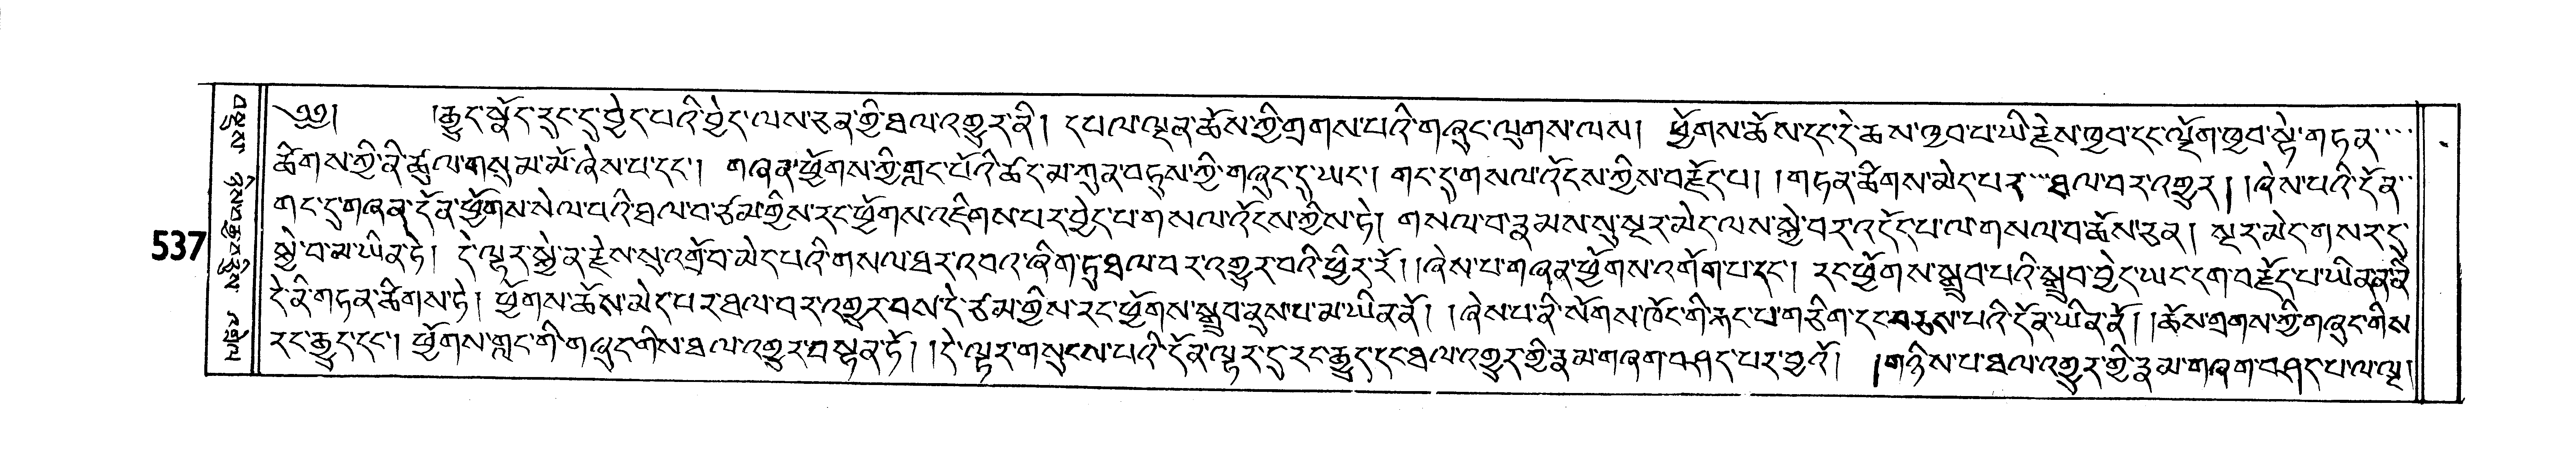༄༅། །རྒྱུད་སྣོད་རུང་དུ་བྱེད་པའི་བྱེད་ལས་ཅན་གྱི་ཐལ་འགྱུར་ནི། དཔལ་ལྡན་ཆོས་ཀྱི་གྲགས་པའི་གཞུང་ལུགས་ལས། ཕྱོགས་ཆོས་དང་དེ་ཆས་ཁྱབ་པ་ཡི་རྗེས་ཁྱབ་དང་ལྡོག་ཁྱབ་སྟེ་གཏན་
ཚིགས་ཀྱི་ནི་ཚུལ་གསུམ་མོ་ཞེས་པ་དང་། གཞན་ཕྱོགས་ཀྱི་གླང་པོའི་ཚད་མ་ཀུན་བཏུས་ཀྱི་གཞུང་དུ་ཡང་། གང་དུ་གསལ་འོངས་ཀྱིས་བརྗོད་པ། །གཏན་ཚིགས་མེད་པར་ཐལ་བར་འགྱུར། །ཞེས་པའི་དོན་
གང་དུ་གཞན་དོན་ཕྱོགས་སེལ་བའི་ཐལ་བ་ཙམ་གྱིས་རང་ཕྱོགས་འཇིགས་པར་བྱེད་པ་གསལ་འོངས་ཀྱིས་ཏེ། གསལ་བ་རྣམས་སུ་སྔར་མེད་ལས་སྐྱེ་བར་འདོད་པ་ལ་གསལ་བ་ཆོས་ཅན། སྔར་མེད་གསར་དུ་
སྐྱེ་བ་མ་ཡིན་ཏེ། དེ་ལྟར་སྐྱེ་ན་རྗེས་སུ་འགྲོ་བ་མེད་པའི་གསལ་ཐར་འབའ་ཞིག་ཏུ་ཐལ་བར་འགྱུར་བའི་ཕྱིར་རོ། །ཞེས་པ་གཞན་ཕྱོགས་འགོག་པ་དང་། རང་ཕྱོགས་སྒྲུབ་པའི་སྒྲུབ་བྱེད་ཡང་དག་བརྗོད་པ་ཡིན་ན་ནི་
དེ་ནི་གཏན་ཚིགས་ཏེ། ཕྱོགས་ཆོས་མེད་པར་ཐལ་བར་འགྱུར་བས་དེ་ཙམ་གྱིས་རང་ཕྱོགས་སྒྲུབ་ནུས་པ་མ་ཡིན་ནོ། །ཞེས་པ་ནི་སོགས་ཁོང་གི་རྐང་པ་གཅིག་དང་བཅས་པའི་དོན་ཡིན་ནོ། །ཆོས་གྲགས་ཀྱི་གཞུང་གིས་
རང་རྒྱུད་དང་། ཕྱོགས་གླང་གི་གཞུང་གིས་ཐལ་འགྱུར་བསྟན་ཏོ། །དེ་ལྟར་གསུངས་པའི་དོན་ལྟར་དུ་རང་རྒྱུད་དང་ཐལ་འགྱུར་གྱི་རྣམ་གཞག་བཤད་པར་བྱའོ། །གཉིས་པ་ཐལ་འགྱུར་གྱི་རྣམ་གཞག་བཤད་པ་ལ་ལྔ།